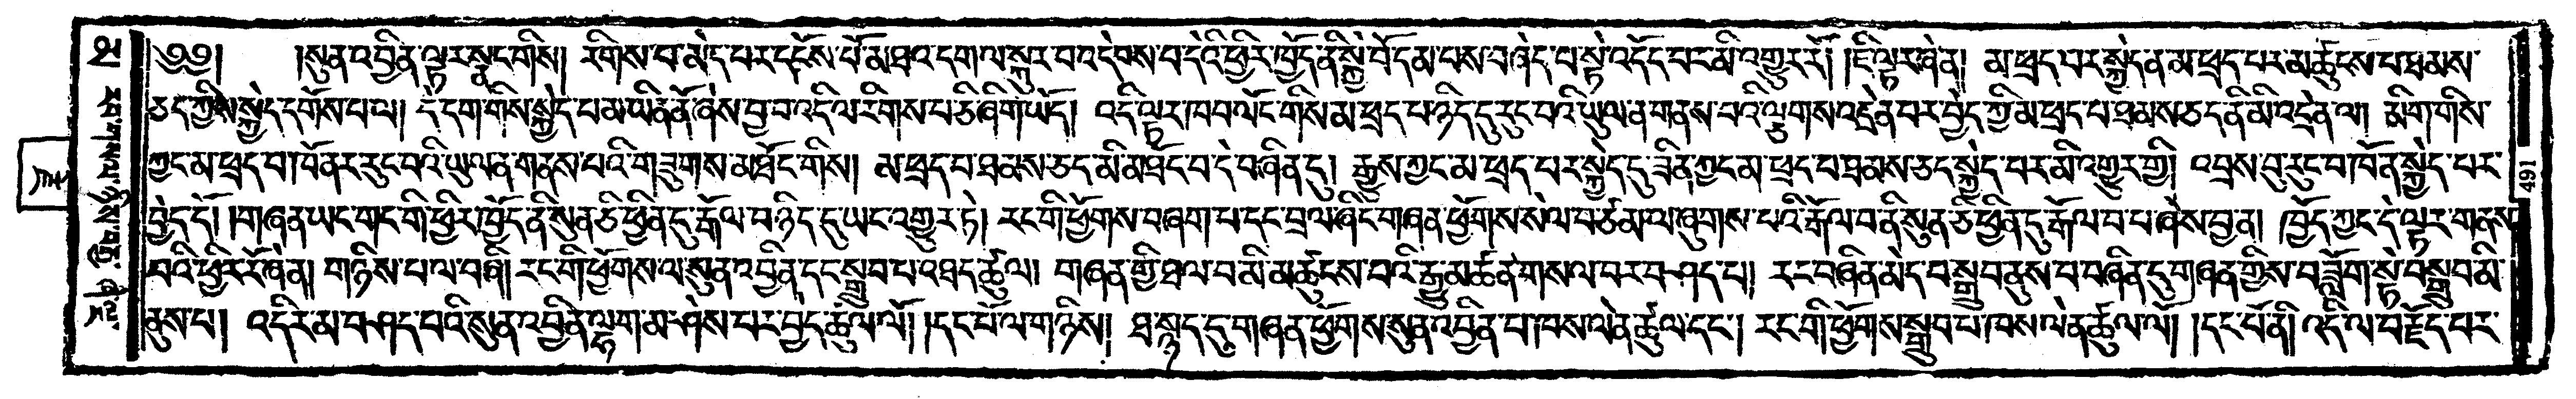༄༅། །སུན་འབྱིན་ལྟར་སྣང་གིས། རིགས་པ་མེད་པར་དངོས་པོ་མཐའ་དག་ལ་སྐུར་པ་འདེབས་པ་དེའི་ཕྱིར་ཁྱོད་ནི་སྐྱེ་བོ་དམ་པས་བཞེད་པ་སྟེ་འདོད་པར་མི་འགྱུར་རོ། །ཇི་ལྟར་ཞེ་ན། མ་ཕྲད་པར་སྐྱེད་ན་མ་ཕྲད་པར་མཚུངས་པ་ཐམས་
ཅད་ཀྱིས་སྐྱེད་དགོས་པ་ལ། དེ་དག་གིས་སྐྱེད་པ་མ་ཡིན་ནོ་ཞེས་བྱ་བ་འདི་ལ་རིགས་པ་ཅི་ཞིག་ཡོད། འདི་ལྟར་ཁབ་ལོང་གིས་མ་ཕྲད་པ་ཉིད་དུ་རུང་བའི་ཡུལ་ན་གནས་པའི་ལྕགས་འདྲེན་པར་བྱེད་ཀྱི་མ་ཕྲད་པ་ཐམས་ཅད་ནི་མི་འདྲེན་ལ། མིག་གིས་
ཀྱང་མ་ཕྲད་པ་ཁོ་ནར་རུང་བའི་ཡུལ་ན་གནས་པའི་གཟུགས་མཐོང་གིས། མ་ཕྲད་པ་ཐམས་ཅད་མི་མཐོང་བ་དེ་བཞིན་དུ། རྒྱུས་ཀྱང་མ་ཕྲད་པར་སྐྱེད་དུ་ཟིན་ཀྱང་མ་ཕྲད་པ་ཐམས་ཅད་སྐྱེད་པར་མི་འགྱུར་གྱི། འབྲས་བུ་རུང་བ་ཁོ་ན་སྐྱེད་པར་
བྱེད་དོ། །གཞན་ཡང་གང་གི་ཕྱིར་ཁྱོད་ནི་སུན་ཅི་ཕྱིན་དུ་རྒོལ་བ་ཉིད་དུ་ཡང་འགྱུར་ཏེ། རང་གི་ཕྱོགས་བཞག་པ་དང་བྲལ་ཞིང་གཞན་ཕྱོགས་སེལ་བ་ཙམ་ལ་ཞུགས་པའི་རྒོལ་བ་ནི་སུན་ཅི་ཕྱིན་དུ་རྒོལ་བ་པ་ཞེས་བྱ་ན། ཁྱོད་ཀྱང་དེ་ལྟར་གནས་
པའི་ཕྱིར་རོ་ཞེ་ན། གཉིས་པ་ལ་བཞི། རང་གི་ཕྱོགས་ལ་སུན་འབྱིན་དང་སྒྲུབ་པ་འཐད་ཚུལ། གཞན་གྱི་ཐལ་བ་མི་མཚུངས་པའི་རྒྱུ་མཚན་གསལ་བར་བཤད་པ། རང་བཞིན་མེད་པ་བསྒྲུབ་ནུས་པ་བཞིན་དུ་གཞན་གྱིས་བཟློག་སྟེ་བསྒྲུབ་མི་
ནུས་པ། འདིར་མ་བཤད་པའི་སུན་འབྱིན་ལྷག་མ་ཤེས་པར་བྱེད་ཚུལ་ལོ། །དང་པོ་ལ་གཉིས། ཐ་སྙད་དུ་གཞན་ཕྱོགས་སུན་འབྱིན་པ་ཁས་ལེན་ཚུལ་དང་། རང་གི་ཕྱོགས་སྒྲུབ་པ་ཁས་ལེན་ཚུལ་ལོ། །དང་པོ་ནི། འདི་ལ་བརྗོད་པར་